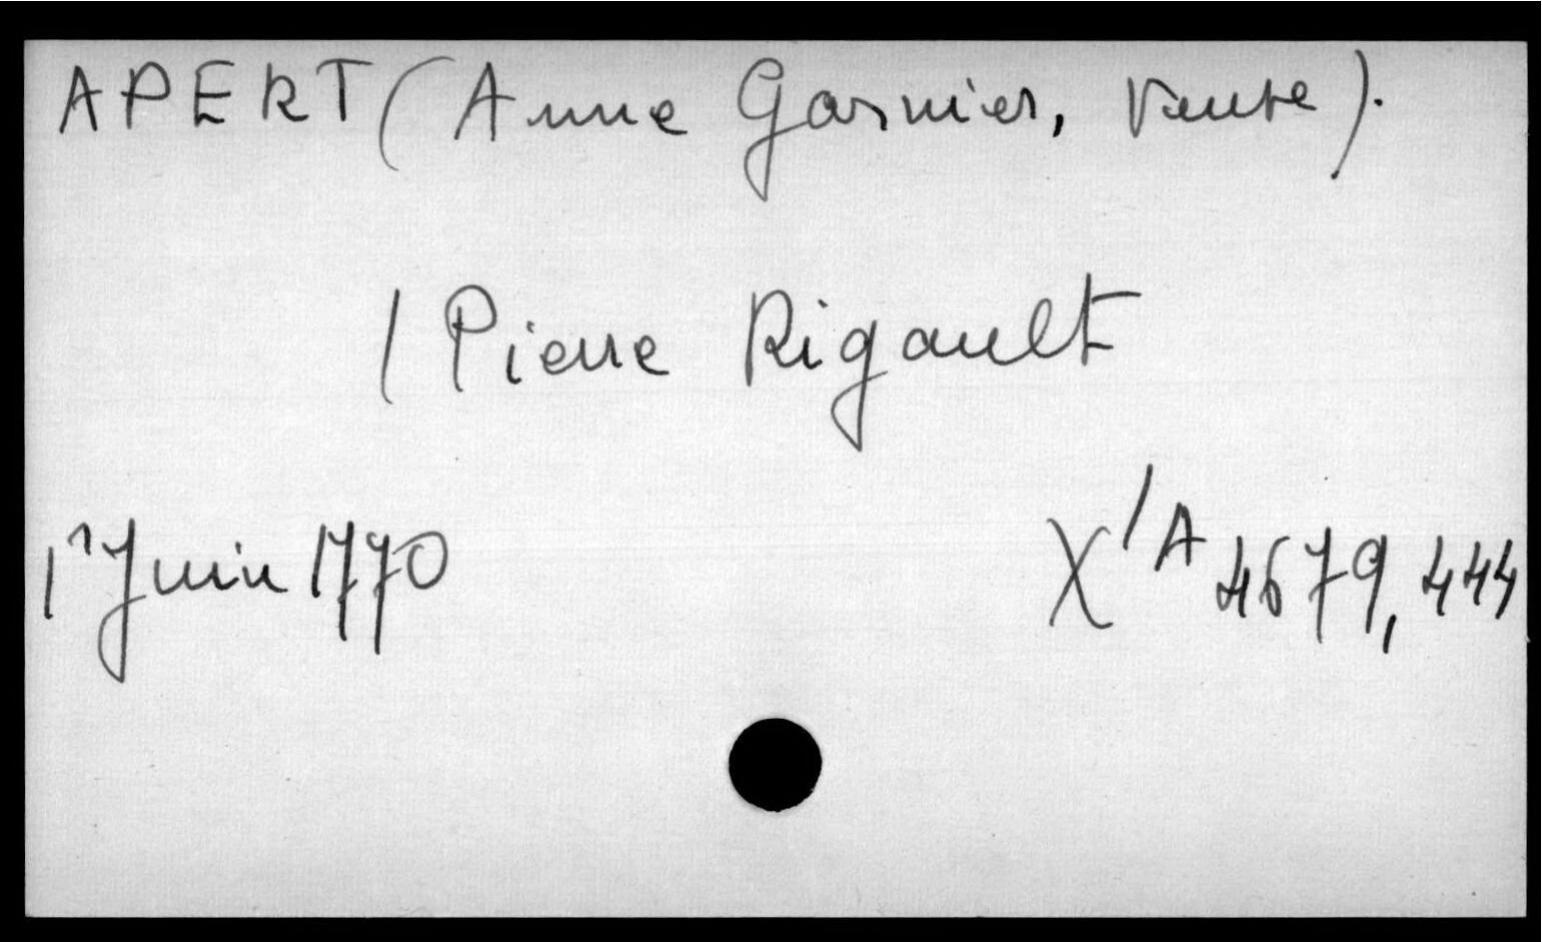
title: APERT (Anne Garmier, Veuve)
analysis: Contre Pierre Rigault
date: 1 juin 1770
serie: X1A
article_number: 4679
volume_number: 444
